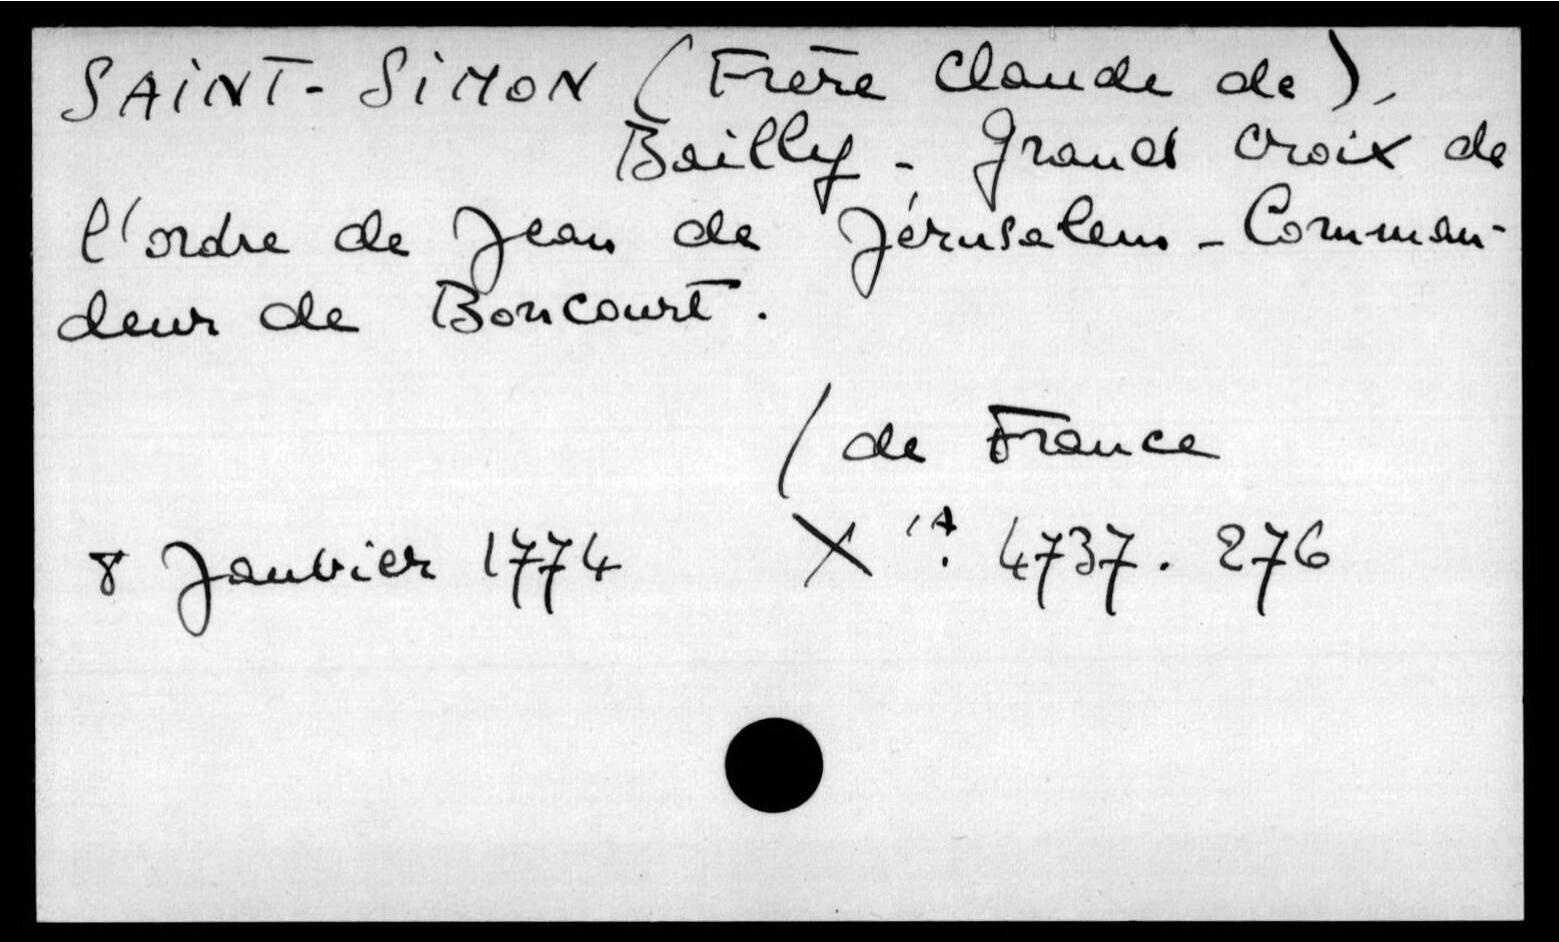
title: SAINT-SIMON (Frère Claude de), Bailly, grand croix de l'ordre de Jean de Jérusalem-commandeur de Boncourt.
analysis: Contre de France
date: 8 janvier 1774
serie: X1A
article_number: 4737
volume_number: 276
